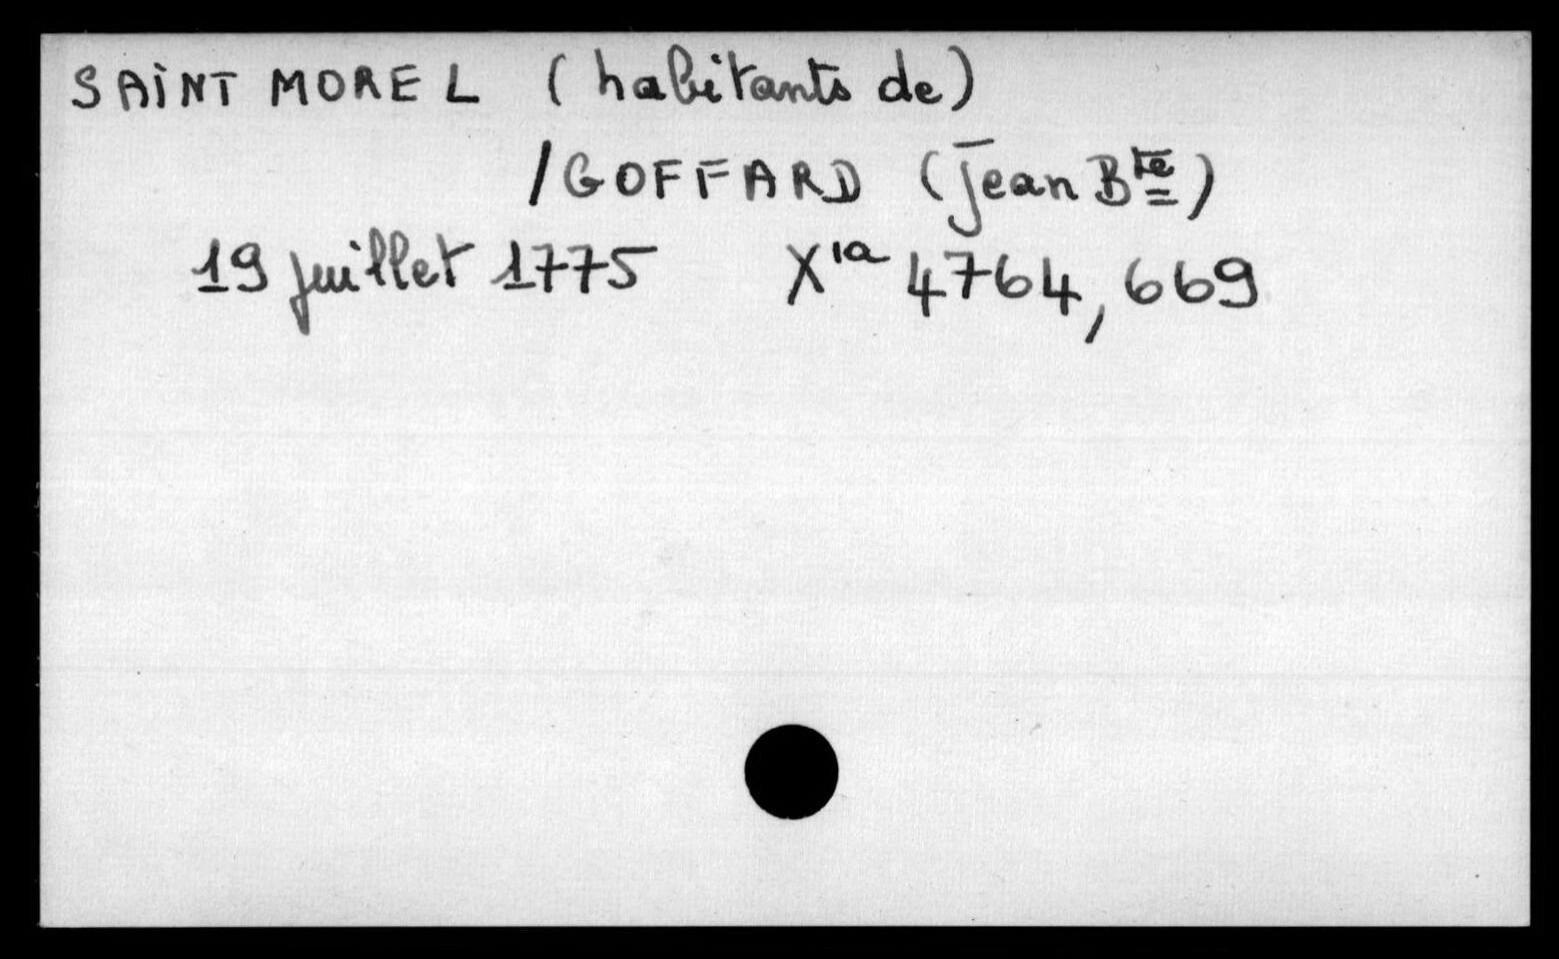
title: SAINT MOREL (habitants de)
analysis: Contre GOFFARD (Jean Baptiste)
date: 19 juillet 1775
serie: X1a
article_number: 4764
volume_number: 669
